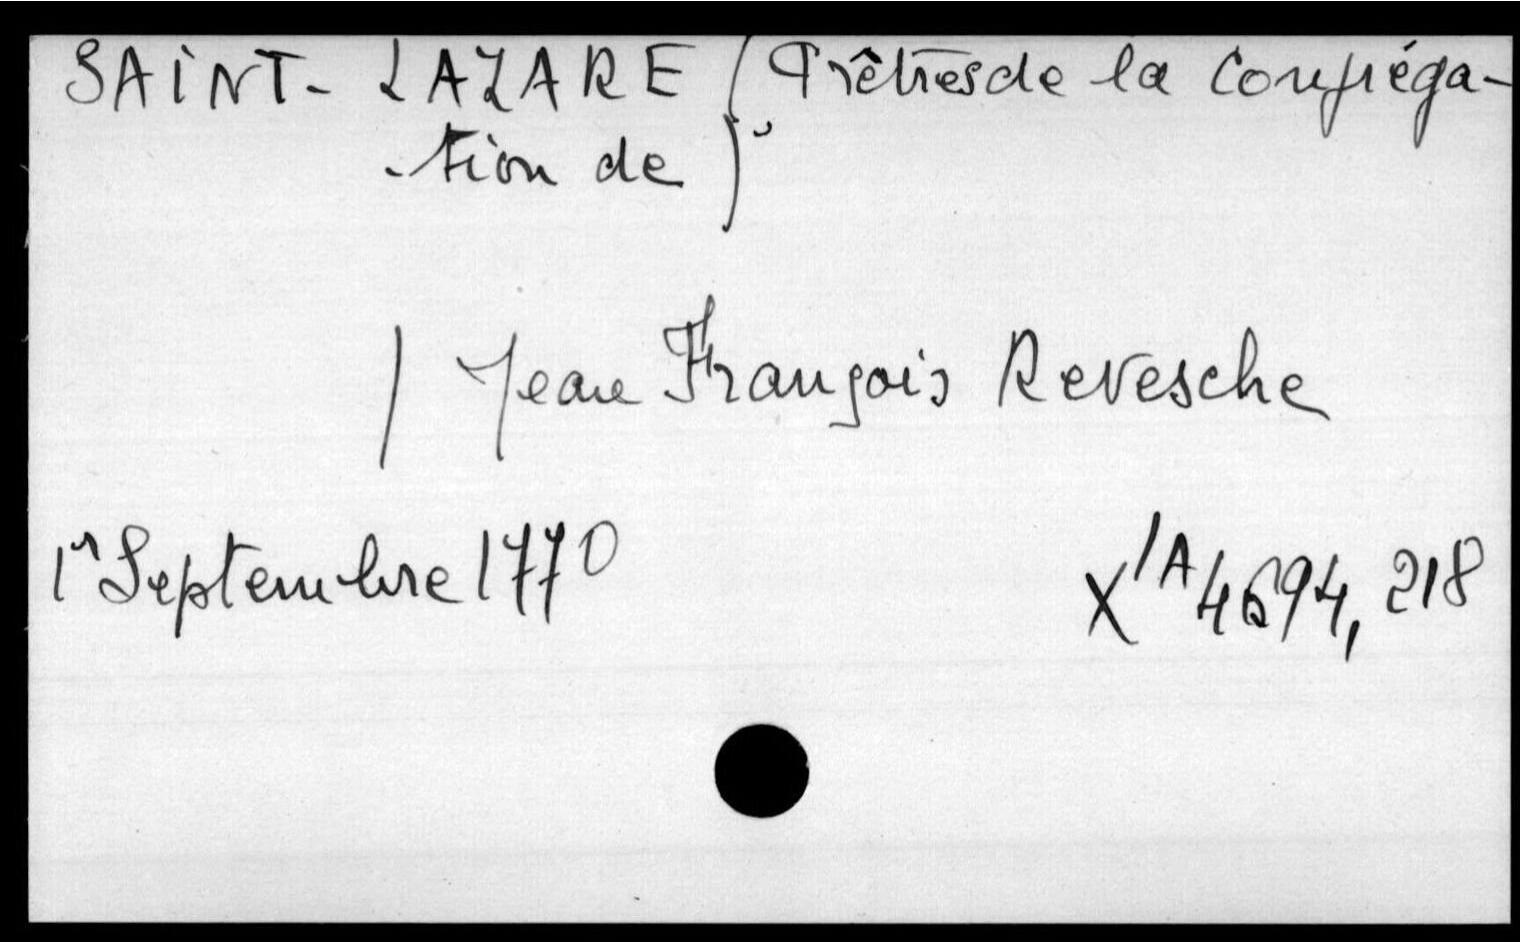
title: SAINT-LAZARE (Prêtres de la congrègation de)
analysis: Contre Jean François Revesche
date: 1 septembre 1770
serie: X1A
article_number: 4694
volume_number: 218
